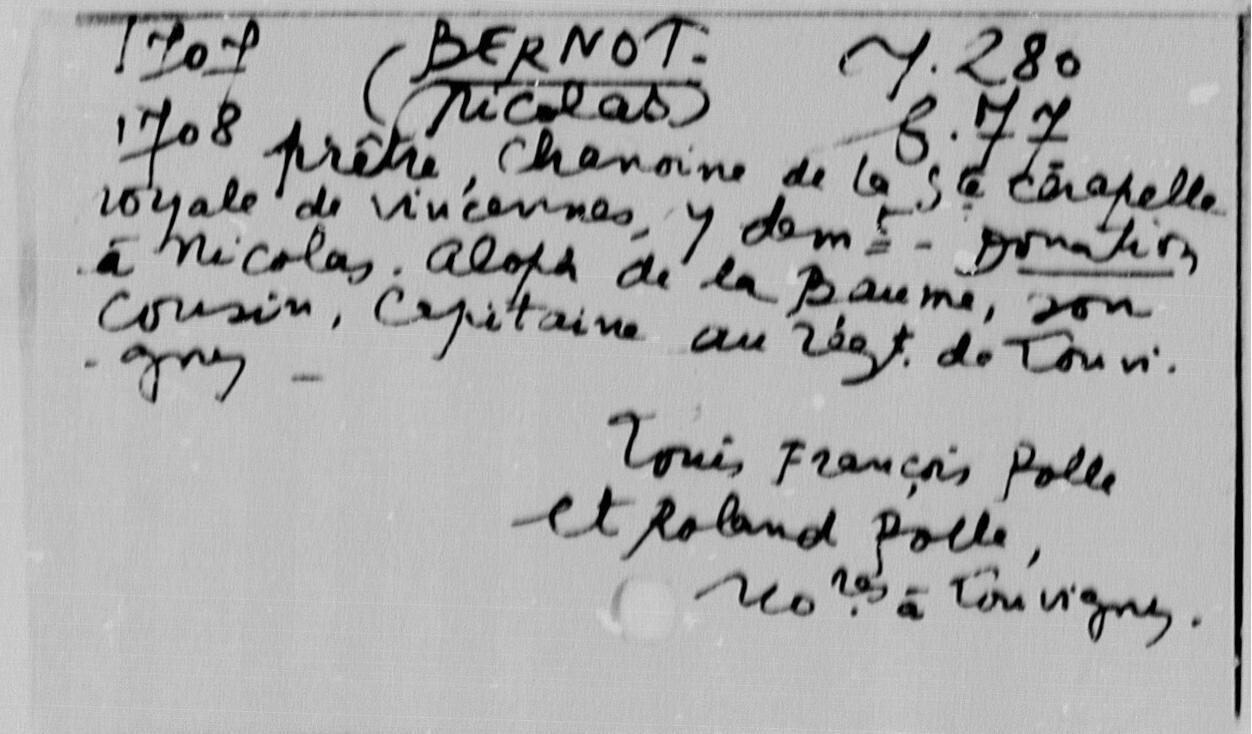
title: BERNOT (Nicolas)
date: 1707-1708
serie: Y
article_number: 280
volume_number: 77
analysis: prêtre, chanoine de la Sainte Chapelle royale de Vincennes, y demeurant. Donation à Nicolas-Aloph de la Baume, son cousin, capitaine au régiment de Louvigny. Louis François Polle, et Roland Polle, notaires à Louvigny.
